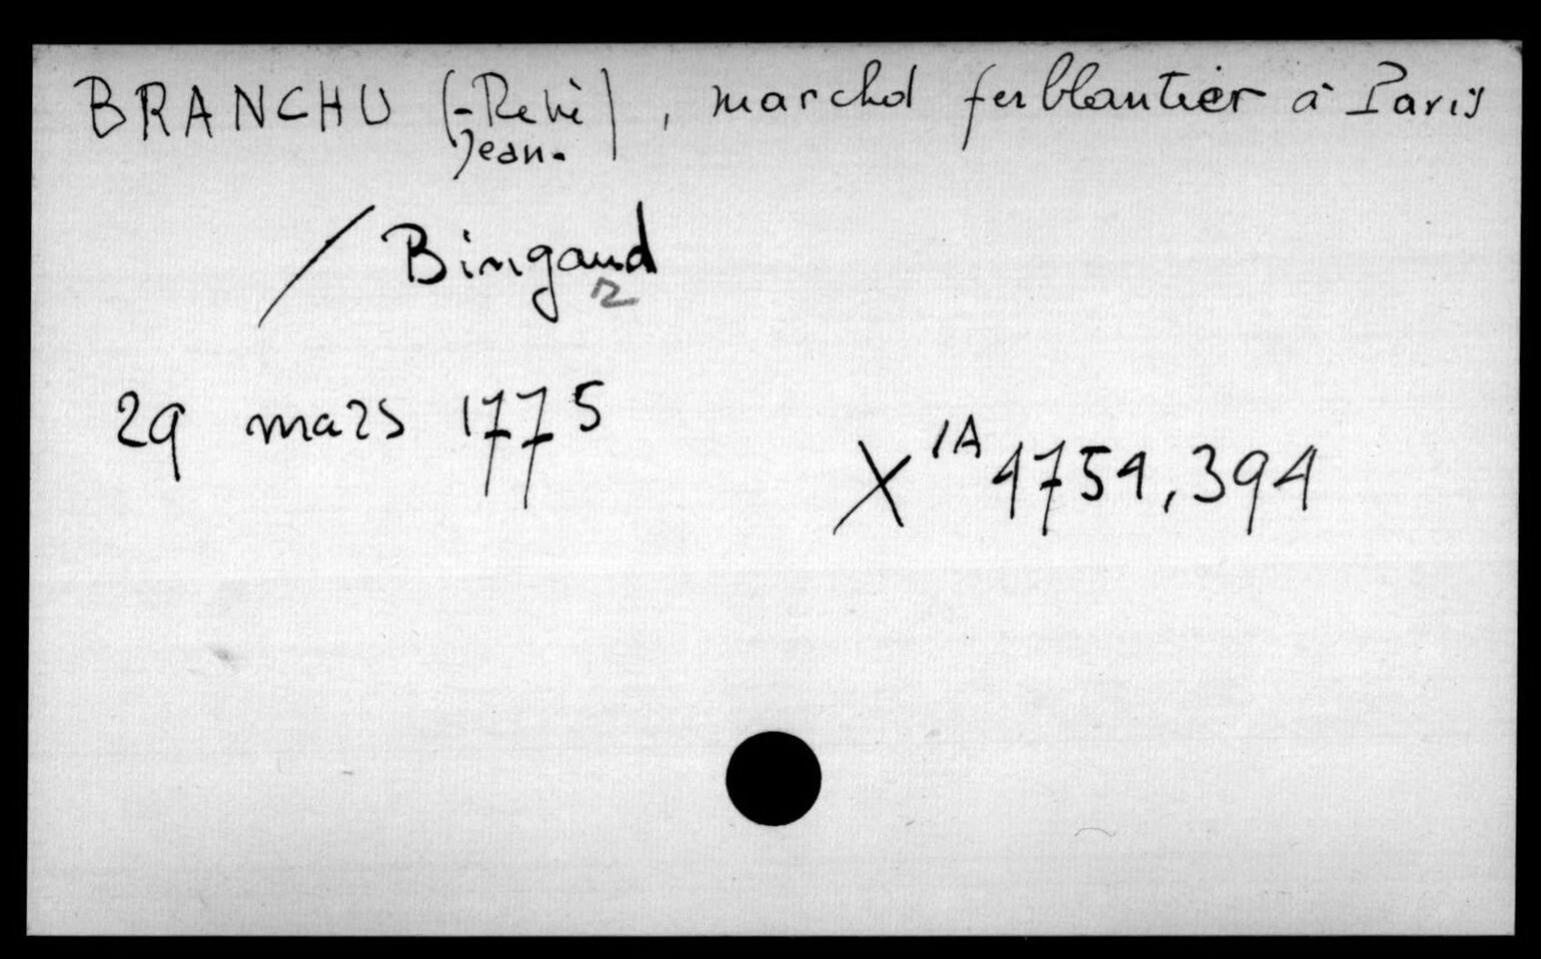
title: BRANCHU (René), marchand ferblantier à Paris
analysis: Contre Bingaurd
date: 29 mars 1775
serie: X1A
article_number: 4754
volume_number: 394
